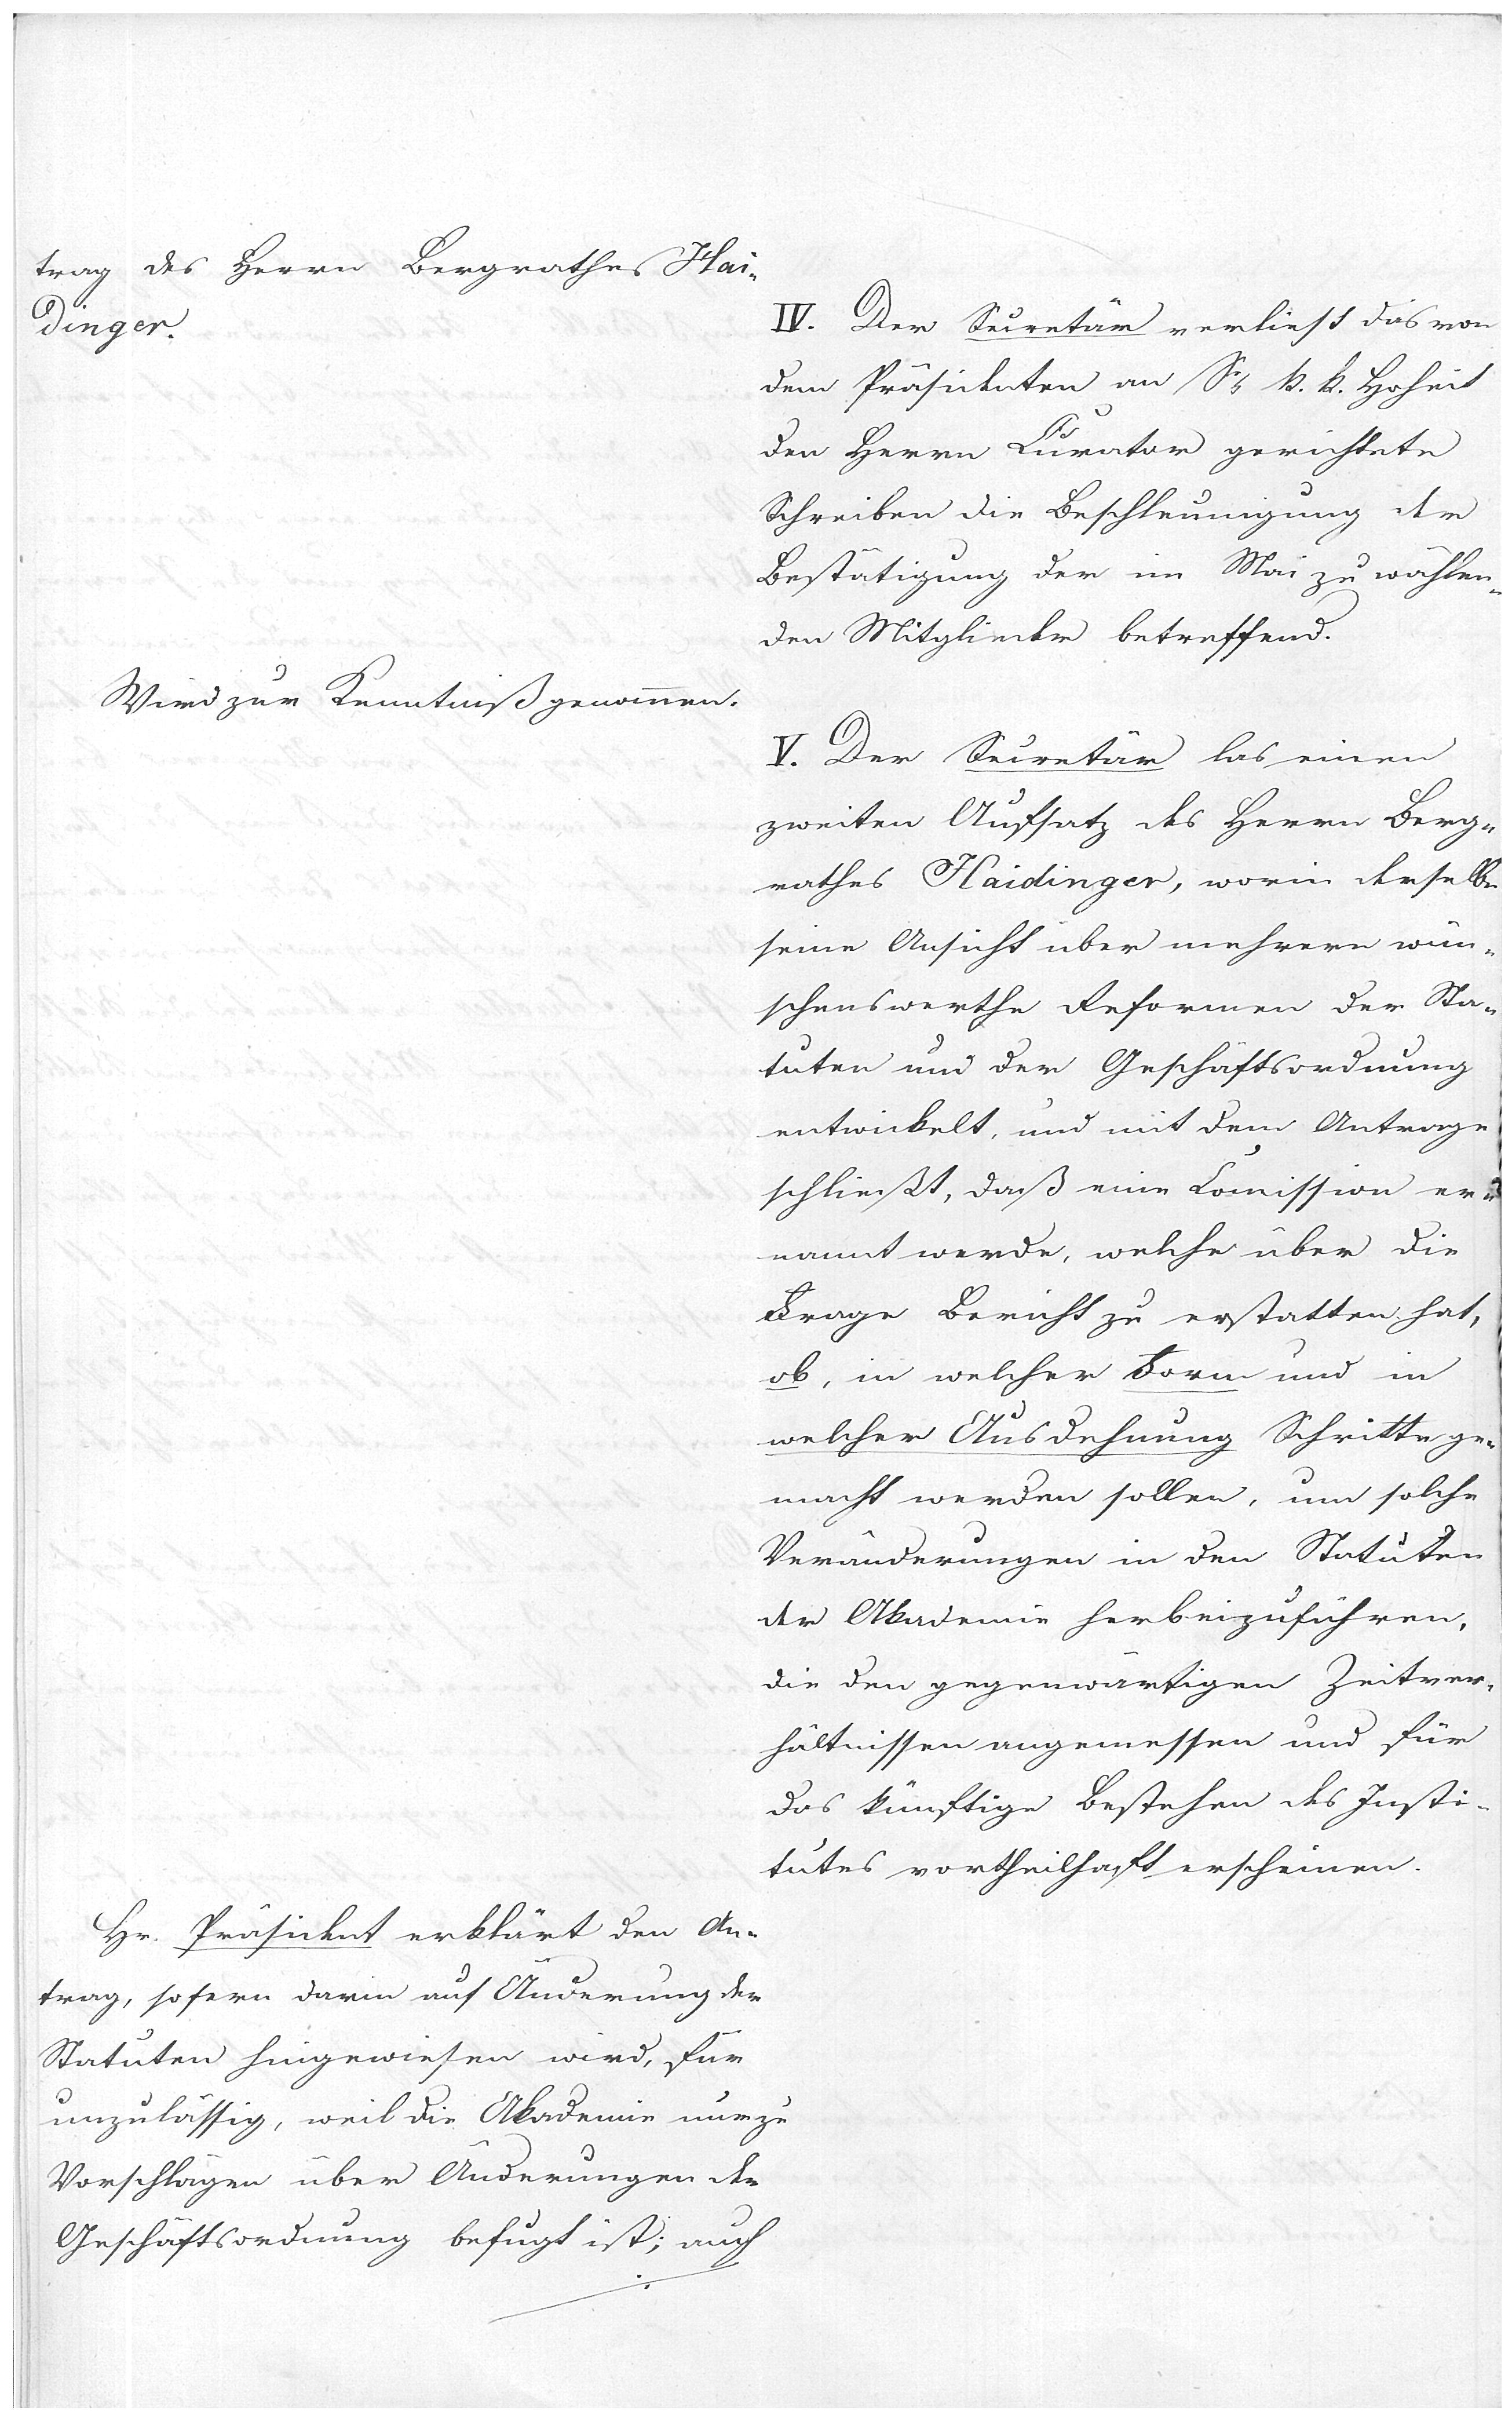trag des Herrn Bergrathes Hai-
dinger.
IV. Der Secretär verliest das von
dem Präsidenten an Sr. k. k. Hoheit
den Herrn Curator gerichtete
Schreiben die Beschleunigung der
Bestätigung der in Mai zu wählen-
den Mitglieder betreffend.
Wird zur Kenntniß genommen.
V. Der Secretär las einen
zweiten Aufsatz des Herrn Berg-
rathes Haidinger, worin derselbe
seine Ansicht über mehrere wün-
schenswerthe Reformen der Sta-
tuten und der Geschäftsordnung
entwickelt, und mit dem Antrage
schließt, daß eine Commission er-
nannt werde, welche über die
Frage Bericht zu erstatten hat,
ob, in welcher Form und in
welcher Ausdehnung Schritte ge-
macht werden sollen, um solche
Veränderungen in den Statuten
der Akademie herbeizuführen,
die den gegenwärtigen Zeitver-
hältnissen angemessen und für
das künftige Bestehen des Insti-
tutes vortheilhaft erscheinen.
Hr. Präsident erklärt der An-
trag, sofern darin auf Änderung der
Statuten hingewiesen wird, für
unzulässig, weil die Akademie nur zu
Vorschlägen über Anderungen der
Geschäftsordnung befugt ist; auch